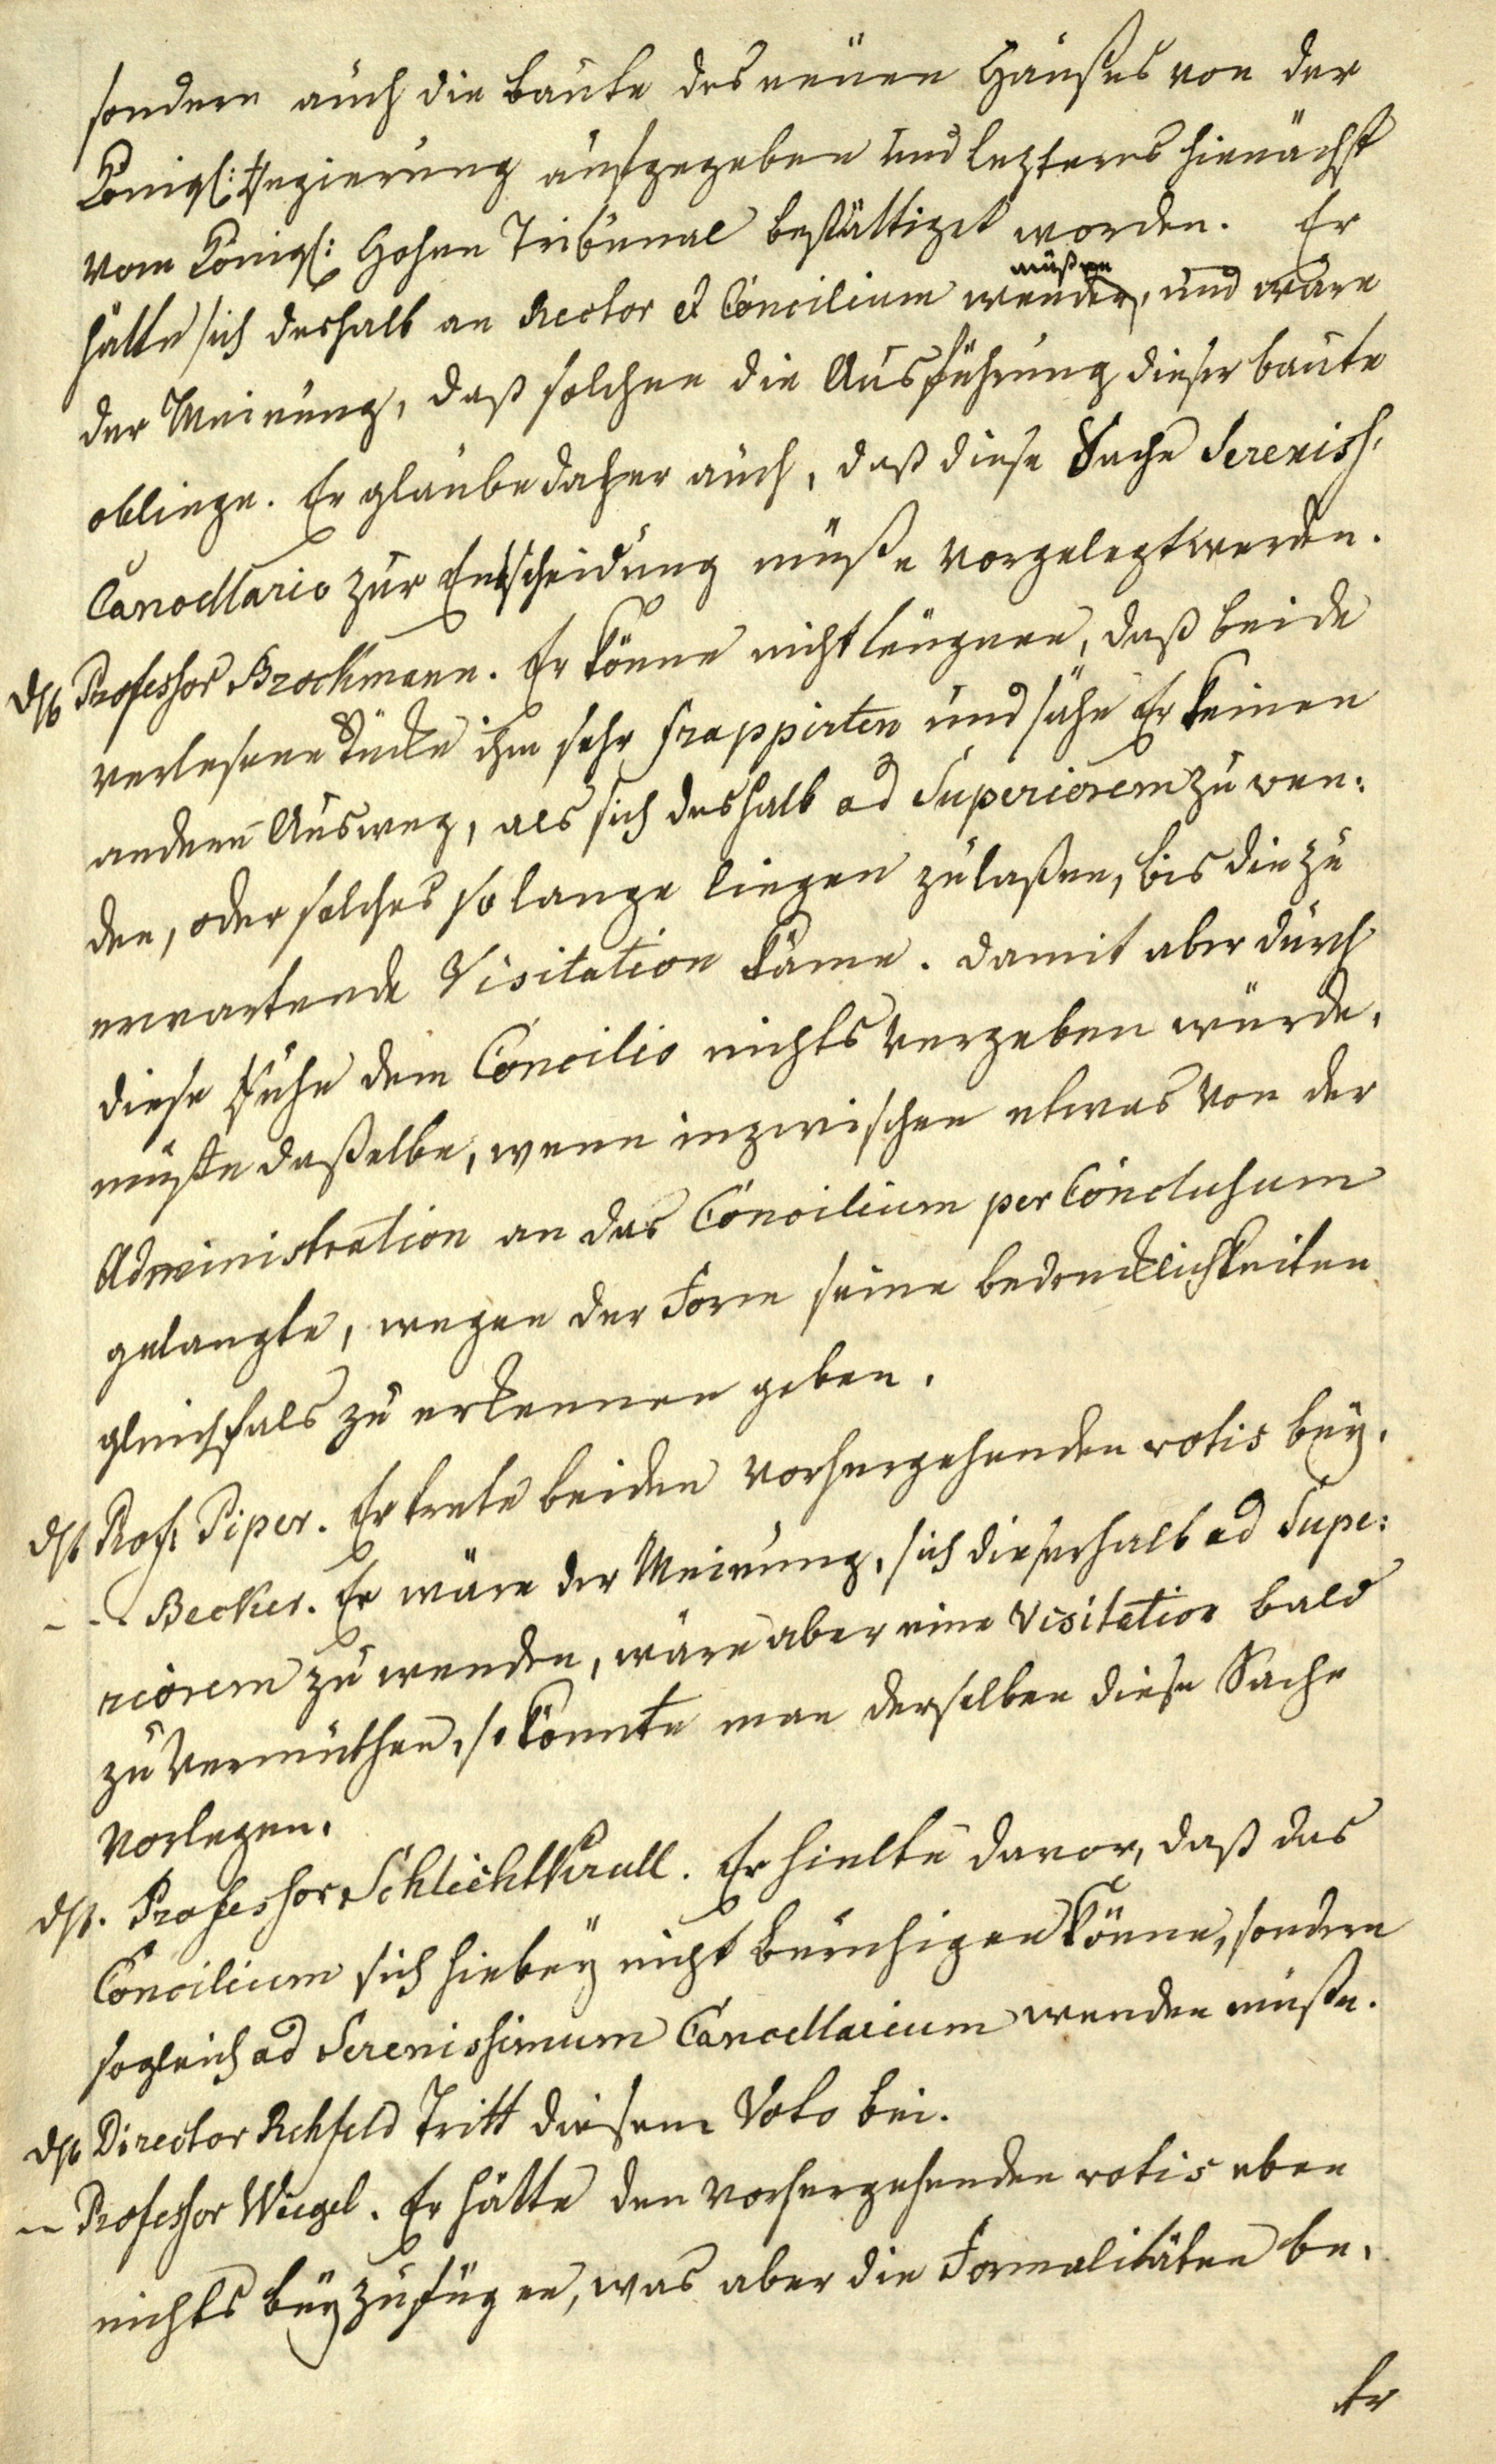sondern auch die Baute des neuen Haußes von der
Königl. Regierung aufgegeben und lezteres hienächst
vom Königl. Hohen Tribunal bestättiget worden. Er
hätte sich deshalb an Rector et Concilium wenden müßen, und wäre
der Meinung, daß solchen die Ausführung dieser Baute
obliege. Er glaube daher auch, daß diese Sache Sereniss.
Cancellario zur Entscheidung müße vorgelegt werden.
dh Professor Brockmann. Er könne nicht leugnen, daß beide
verlesene Stücke ihm sehr frappirten und sähe Er keinen
andern Ausweg, als sich deshalb an Superiorem zu wen¬
den, oder solches so lange liegen zulaßen, bis die zu
erwartende Visitation käme. Damit aber durch
diese Ruhe dem Concilio nichts vergeben würde,
müßte daßelbe, wenn inzwischen etwas von der
Administration an das Concilium per Conclusum
gelangte, wegen der Form seine Bedencklichkeiten
gleichfals zu erkennen geben.
dh. Prof. Piper. Er trete beiden vorhergehenden votis beÿ.
Becker. Er wäre der Meinung, sich dieserhalb ad Supe¬
riorem zu wenden, wäre aber eine Visitation bald
zu vermuthen, so könnte man derselben diese Sache
vorlegen
dh. Professor Schlichtkrull. Er hielte davor, daß das
Concilium sich hiebeÿ nicht beruhigen könne, sondern
sogleich ad Serenissimum Cancellarium wenden müße.
dh Director Rehfeld tritt diesem Voto bei.
Professor Weigel. Er hätte den vorhergehenden votis eben
nichts beÿzufügen, was aber die Formalitäten be¬
tr